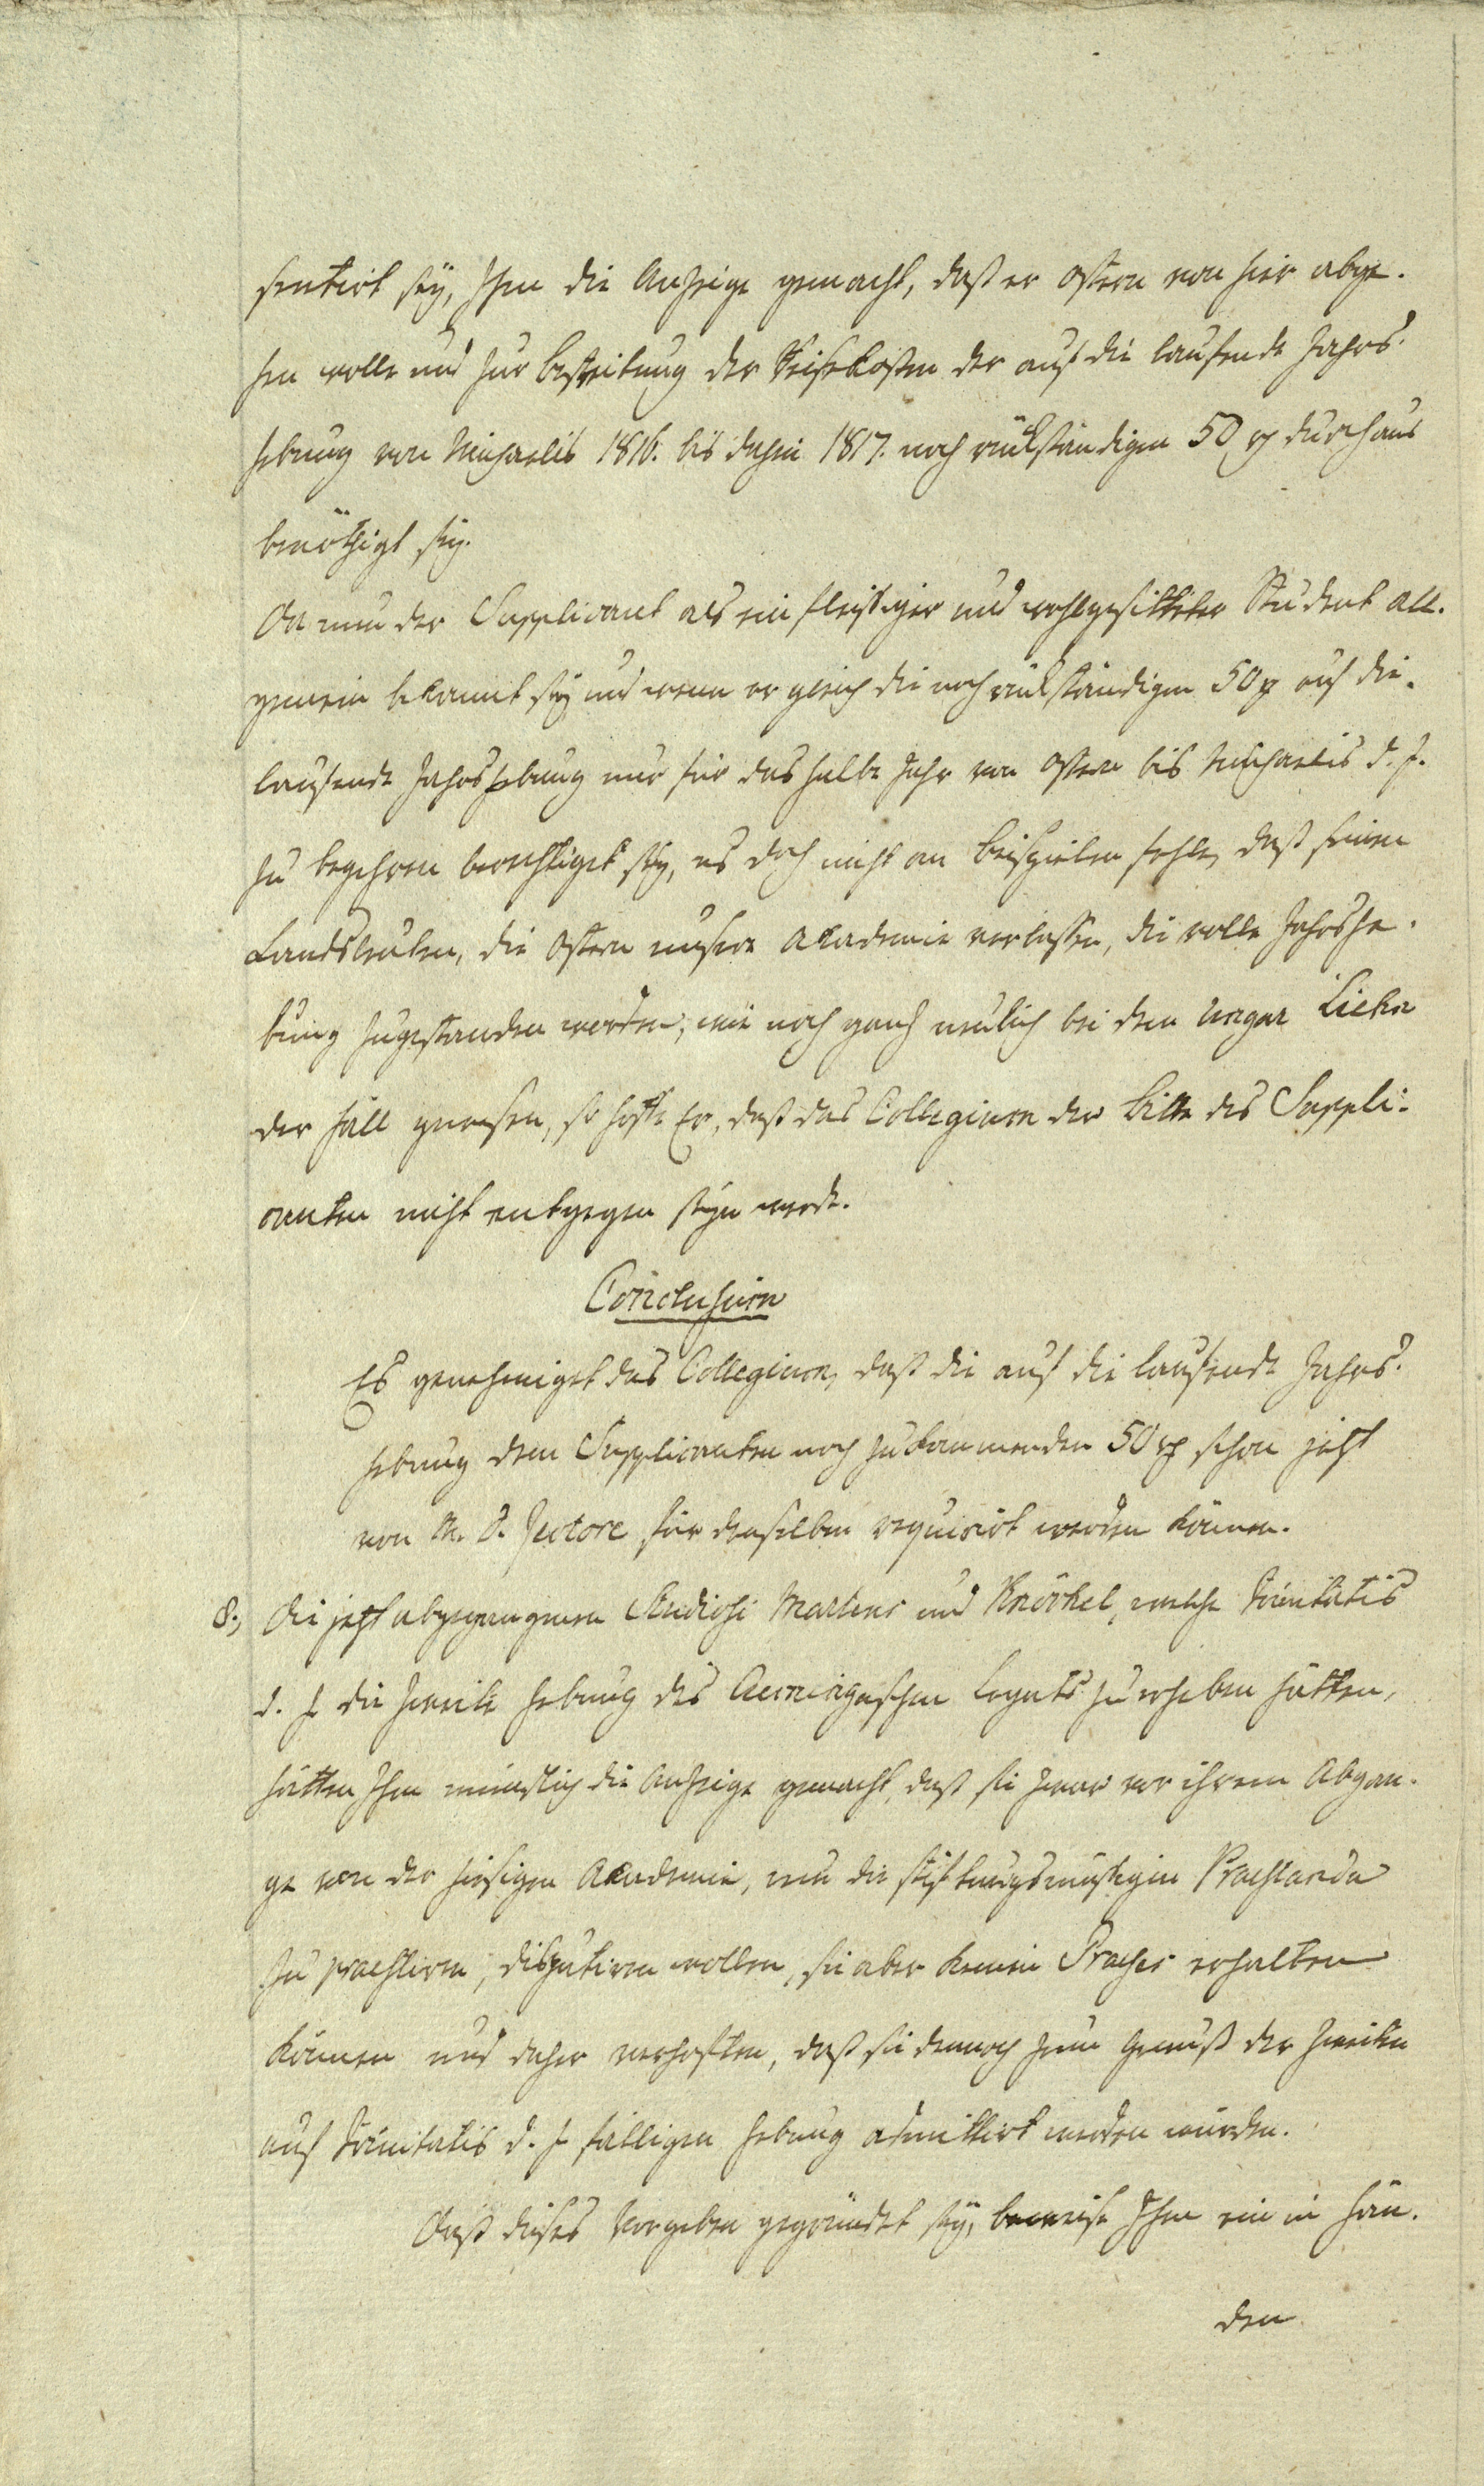sentirt seÿ, dem die Anzeige gemacht, daß er Ostern von hier abge¬
hen wolle und zur Bestreitung der Reisekosten der auf die laufende Jahrs¬
hebung von Michaelis 1816. bis dahin 1817. noch rückständigen 50 rt durchaus
benöthigt seÿ.
Da nun der Supplicant als ein fleissiger und wohlgesitteter Student all¬
gemein bekannt seÿ und wenn er gleich die noch rückständigen 50 rt auf die
laufende Jahreshebung nur für das halbe Jahr von Ostern bis Michaelis d. J.
zu begehren berechtiget seÿ, es doch nicht an Beispielen fehle, daß seinen
Landsleuten, die Ostern unsere Akademie verlassen, die volle Jahrshe¬
bung zugestanden worden, wie noch ganz neulich bei dem Ungar Liehn
der Fall gewesen, so hoffe Er, daß das Collegium den Bitte des Suppli¬
canten nicht entgegen seÿn werde.
Conclusum
Es genehmiget das Collegium daß die auf die laufende Jahrs¬
hebung dem Supplicanten noch zukommenden 50 rt schon jetzt
von M. D. Rectore für denselben requirirt werden können.
8, die jetzt abgegangen Studiosi Martens und Knöchel, welche Trinitatis
d. J die zweite Hebung des Aemingaschen Legats zu erheben hätten,
hätten Ihm mündlich die Anzeige gemacht, daß sie zwar vor ihrem Abgan¬
ge von der hiesigen Akademie, um die stiftungsmäßigen Praestanda
zu praestiren, disputiren wollen, sie aber keinen Praeses erhalten
können und daher verhoften, daß sie dennoch zum Genuß der zweiten
auf Trinitatis d. J fälligen Hebung admittirt werden würden.
Daß dieses Vergeben gegründet seÿ, beweise Ihm ein in Hän¬
den